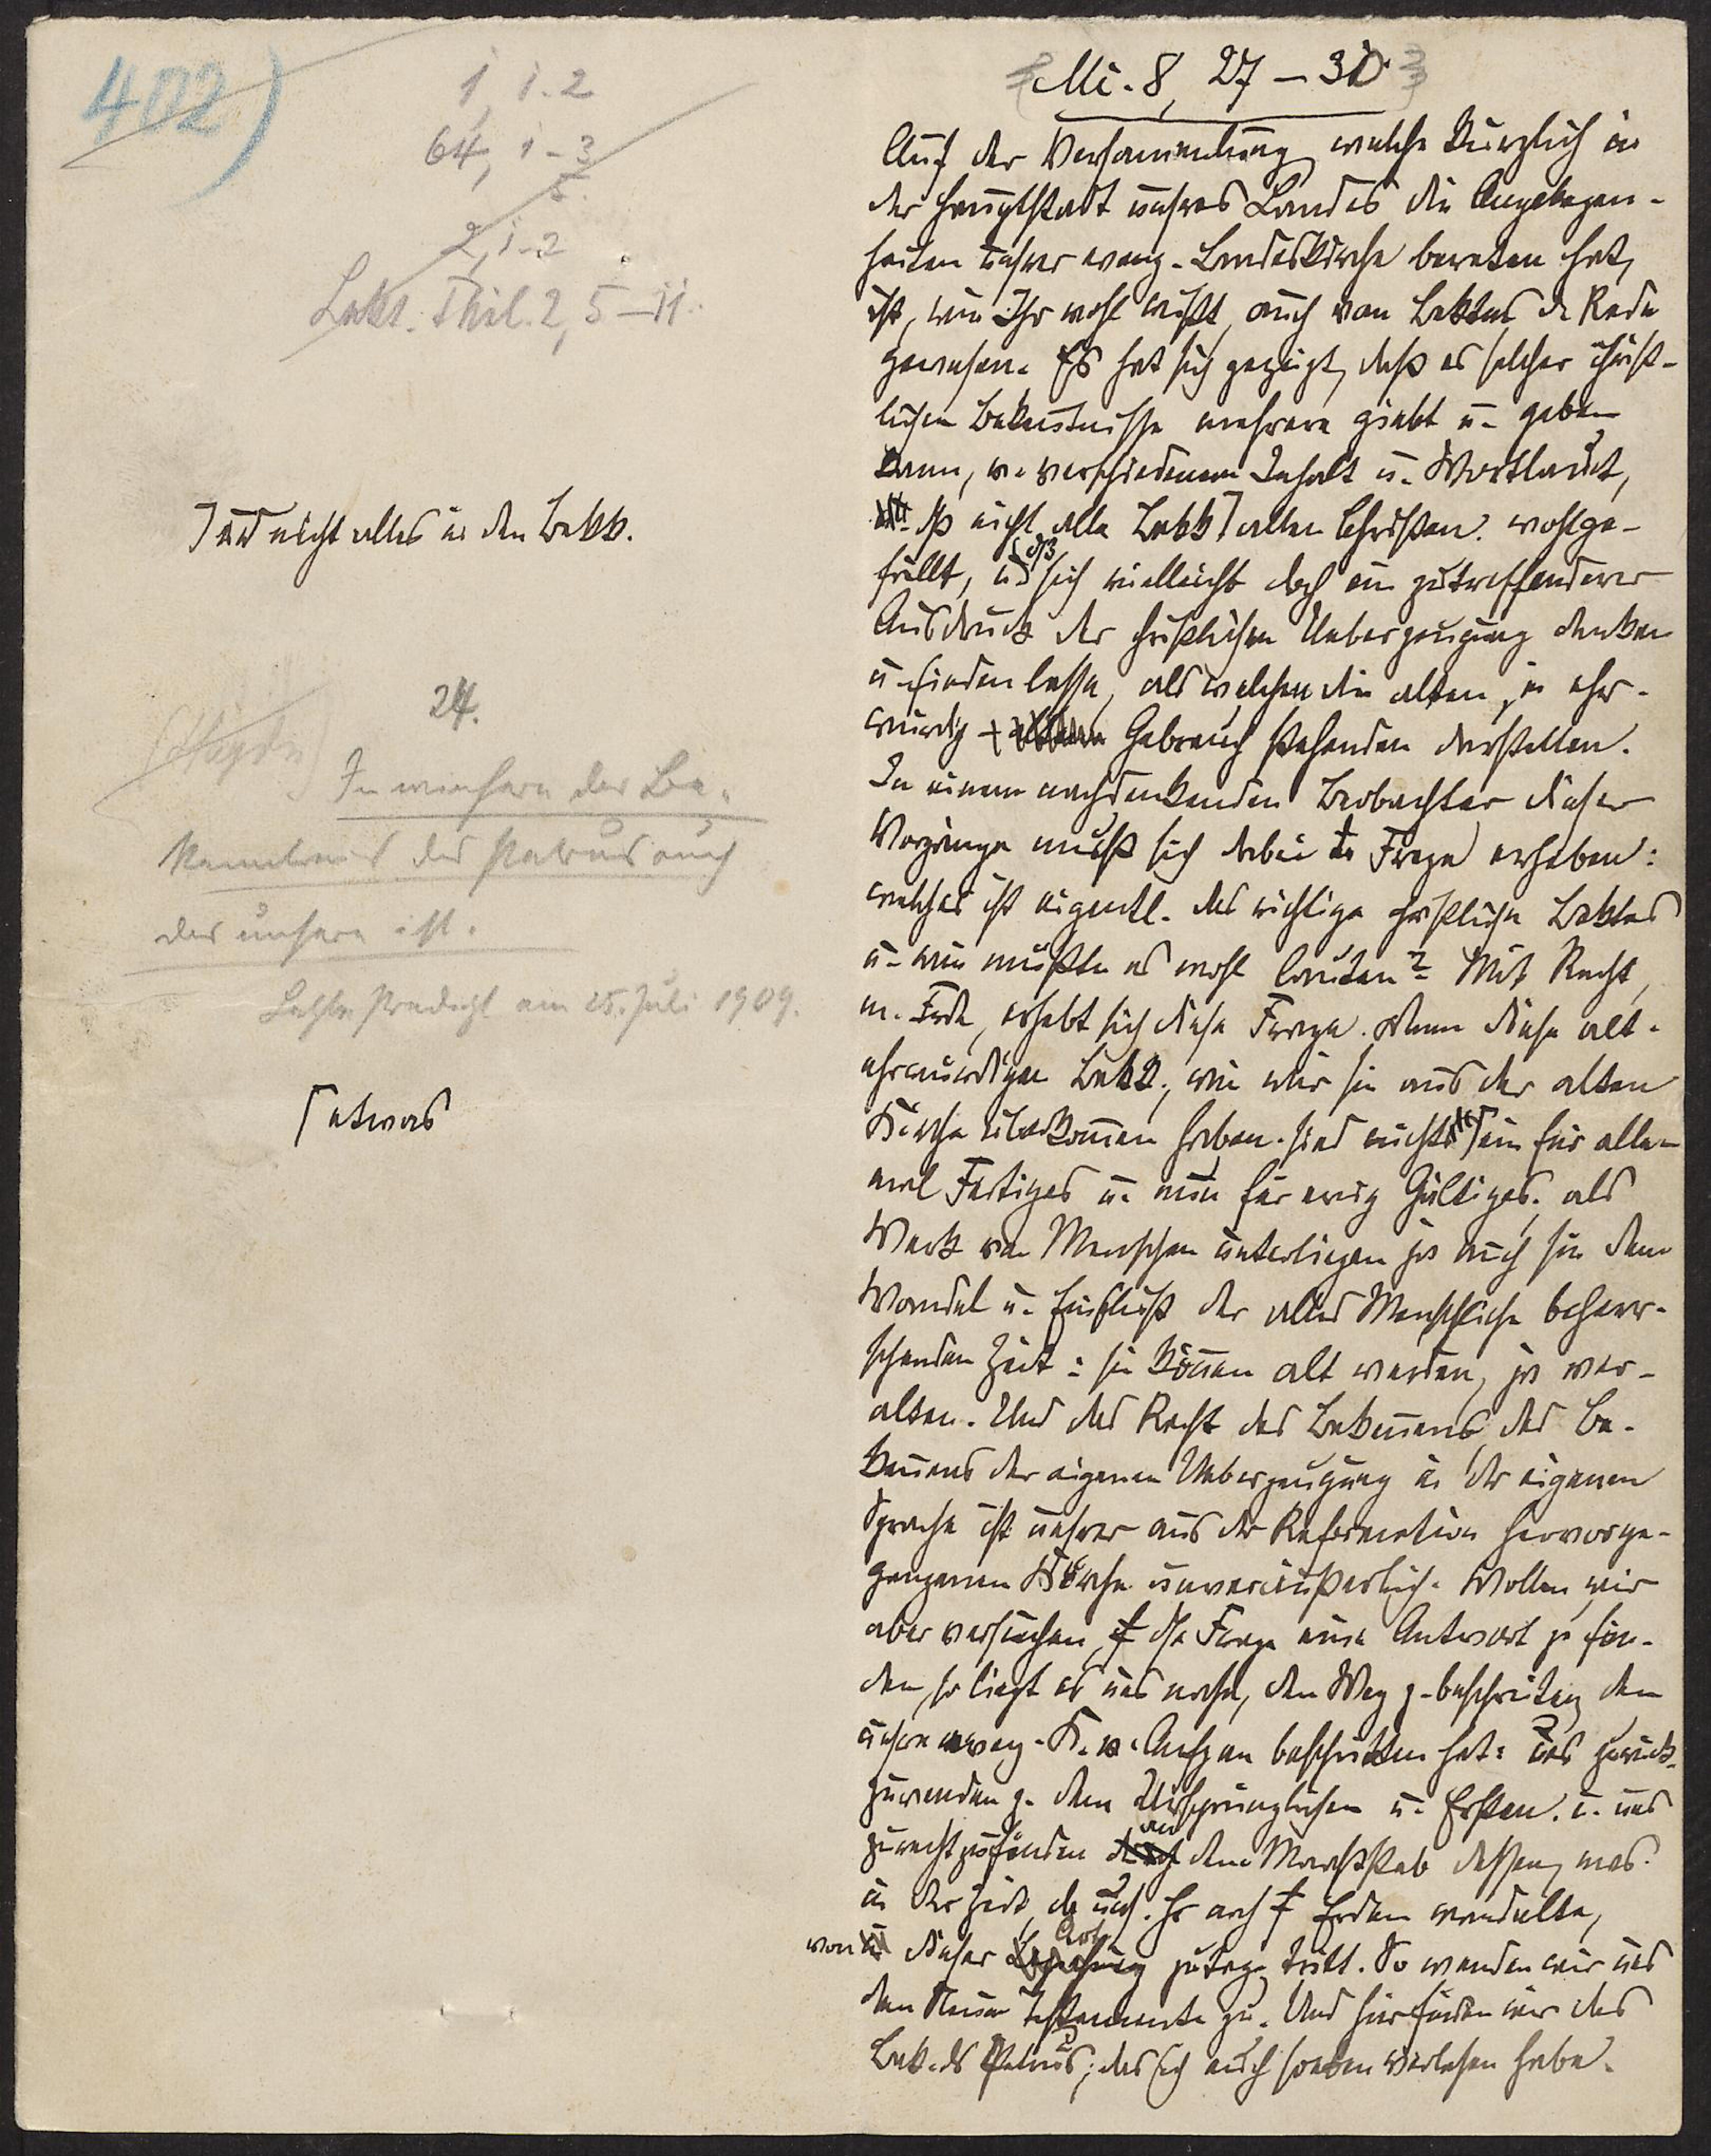1,1.2
64,1-3
Phil 2,5-11
] und nicht alles in den Bekk.
24
In wiefern das Be
kenntnis des Petrus auch
das unsere ist.
Letzte Predigt am 25. Juli 1909
[ etwas
von
Mc. 8, 27-30
Auf der Versammlung, welche kürzlich in
der Hauptstadt unsres Landes die Angelegen¬
heiten unsrer evang. Landeskirche beraten hat,
ist, wie Ihr wohl wißt, auch vom Bektns di. Rede
gewesen. Es hat sich gezeigt, daß es solcher christ¬
lichern Bekentnisse mehrere giebt u. geben
kann, v. verschiedenem Inhalt u. Wortlaut,
daß nicht all Bekk] allen Christen wohlge¬
fällt, u. daß sich vielleicht doch ein zutreffenderer
Ausdruck der christlichen Ueberzeugung denken
u. finden lasse, als welchen die alten, un ehr¬
würdig . alten Gebrauch stehenden darstellen.
In einem nachdenkenden Beobachter dieser
Vorgänge muß sich dabei d. Frage erheben:
welches ist eigentl. das richtige christliche Bektns
u wie müßte es wohl lauten? Mit Recht,
m. Frde, erhebt sich dies Frage. Denn diese alt¬
ehrwürdigen Bekk, wie wir sie aus der alten
Kirche überkomen haben, sind nichts [ ein für alle¬
mal Fertiges u. nun für ewig Gültiges. als
Werk von Menschen unterliegen ja auch sie dem
Wandel u. Einfluß der alles Menschliche beherr¬
schenden Zeit: sie könen alt werden, ja ver¬
alten. Und das Recht des Bekenens des Be¬
kenens der eigenen Ueberzeugung in der eigenen
Sprache ist unser aus der Reformation hervorge¬
gangenen Kirche unveräußerlich. Wollen wir
aber versuchen, f dse Frage eine Antwort zu fin¬
den, so liegt es uns nahe, den Weg z. beschreiten, den
unsre evang. K. v. Anfg an beschritten hat: uns zurück¬
zuwenden z. dem Ursprünglichen u. Ersten u. uns
an
zurechzufänden durch dan Maaßstab dessen, was
in der Zeit da uns. Hr. noch f. Erden wandelte,
Ort
in dieser Begegenung zutage tritt. So wenden wir uns
dem Neuen Testamente zu. Und hier finden wir das
Bek. ds Petrus; das ich euch soeben verlesen habe.